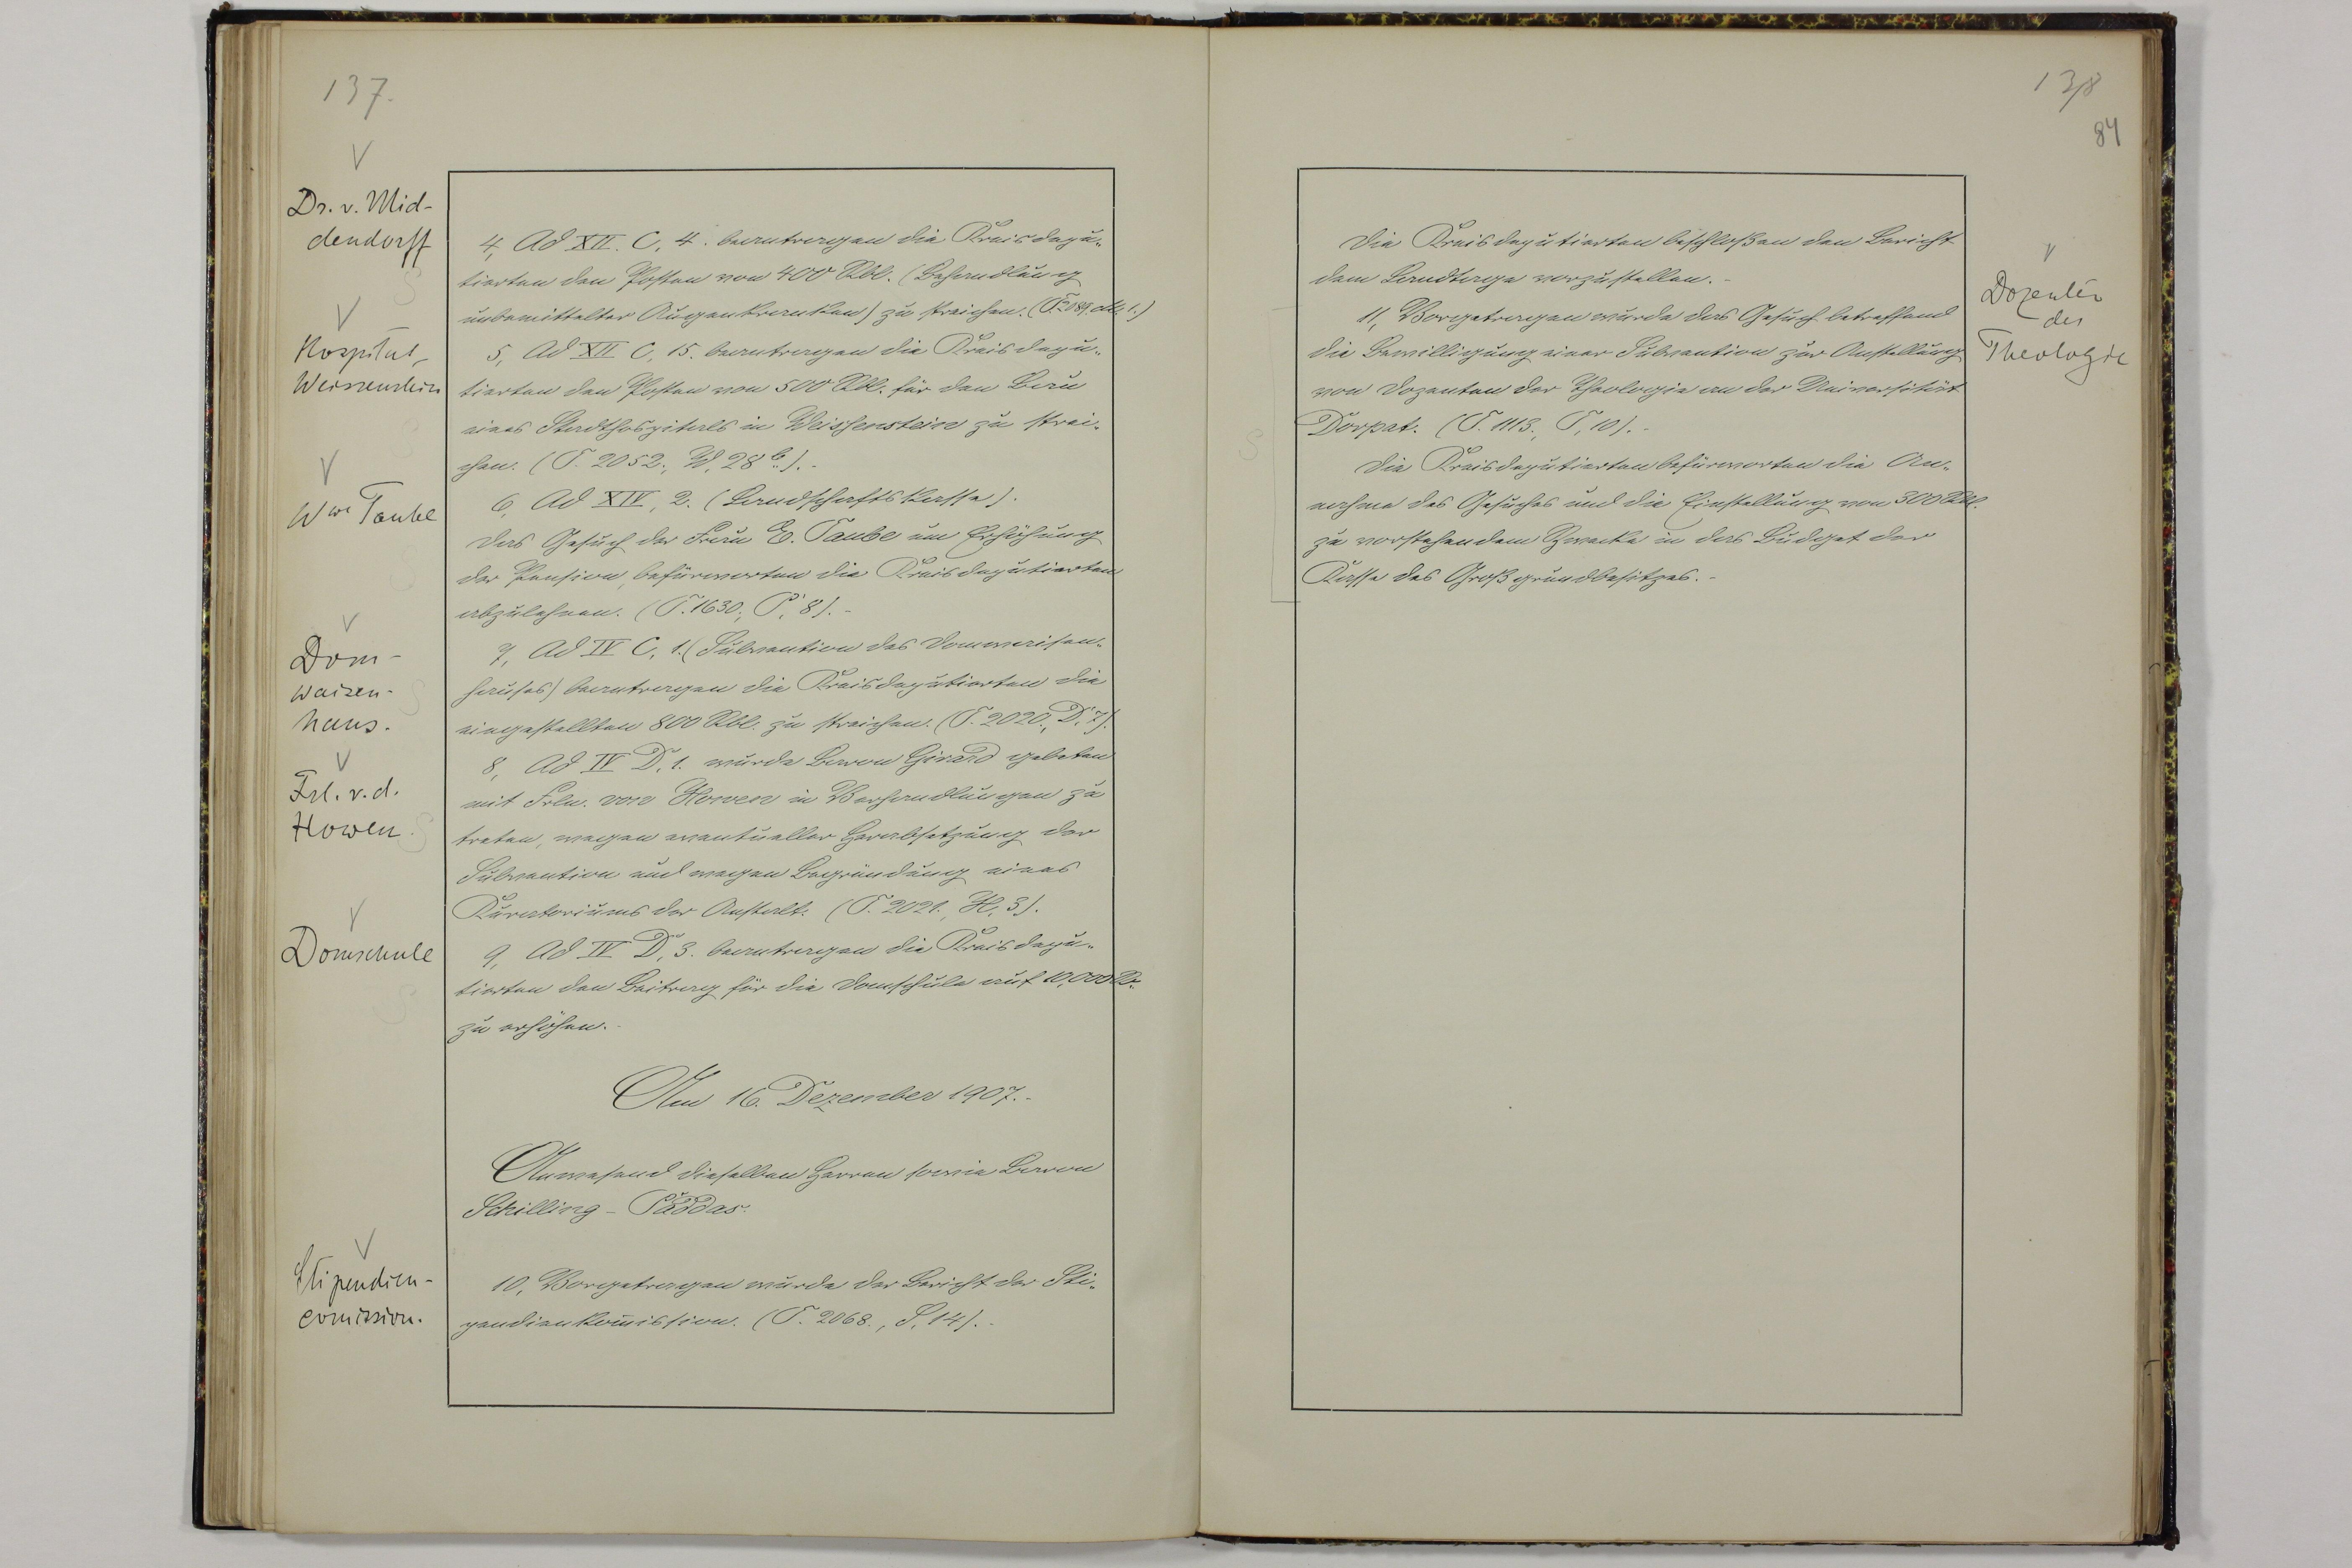Dr. v. Mid-
dendorff
Hospital
Weissenstein
Wwe Taube
Dom-
waisen
haus.
Frl. v.d.
Howen
Domschule
Stipendien
comission
4. Ad XII. C, 4. beantragen die Kreisdepu-
tierten, den Posten von 400 Rbl. (Behandlung
unbemittelter Augenkranken) zu streichen. (T.2089; M.1).
5. Ad XII C, 15. beantragen die Kreisdepu-
tierten, den Posten von 500 Rbl. für den Bau
eines Stadthospitals in Weissenstein zu strei-
chen. (T.2052; W.28b).
6. Ad XIV, 2. (Landschaftskasse).
Das Gesuch der Frau E. Taube um Erhöhung
der Pension, befürworten die Kreisdeputierten
abzulehnen. (T.1630; P.8).
7. Ad IV C, 1. (Subvention des Domwaisen-
hauses) beantragen die Kreisdeputierten die
eingestellten 800 Rbl. zu streichen. (T.2020; D.7).
8. Ad IV D, 1. wurde Baron Girard gebeten
mit Frln. von Howen in Verhandlungen zu
treten, wegen eventueller Herabsetzung der
Subvention und wegen Begründung eines
Kuratoriums der Anstalt. (T.2021; H.3).
9. Ad IV D, 3. beantragen die Kreisdepu-
tierten, den Beitrag für die Domschule auf 10.000 Ro.
zu erhöhen.
Am 16. Dezember 1907. -
Anwesend dieselben Herren sowie Baron
Schilling-Paddas.
10. Vorgetragen wurde der Bericht der Sti-
pendienkommission. (T.2068; S.14).
Die Kreisdeputierten beschloßen den Bericht
dem Landtage vorzustellen.
11. Vorgetragen wurde das Gesuch betreffend
die Bewilligung einer Subvention zur Anstellung
von Dozenten der Theologie an der Universität
Dorpat. (T.1113; T.10).
Die Kreisdeputierten befürworten die An-
nahme des Gesuches und die Einstellung von 300 Rbl.
zu vorstehendem Zwecke in das Budget der
Kasse des Großgrundbesitzes.
Dozenten
der
Theologie